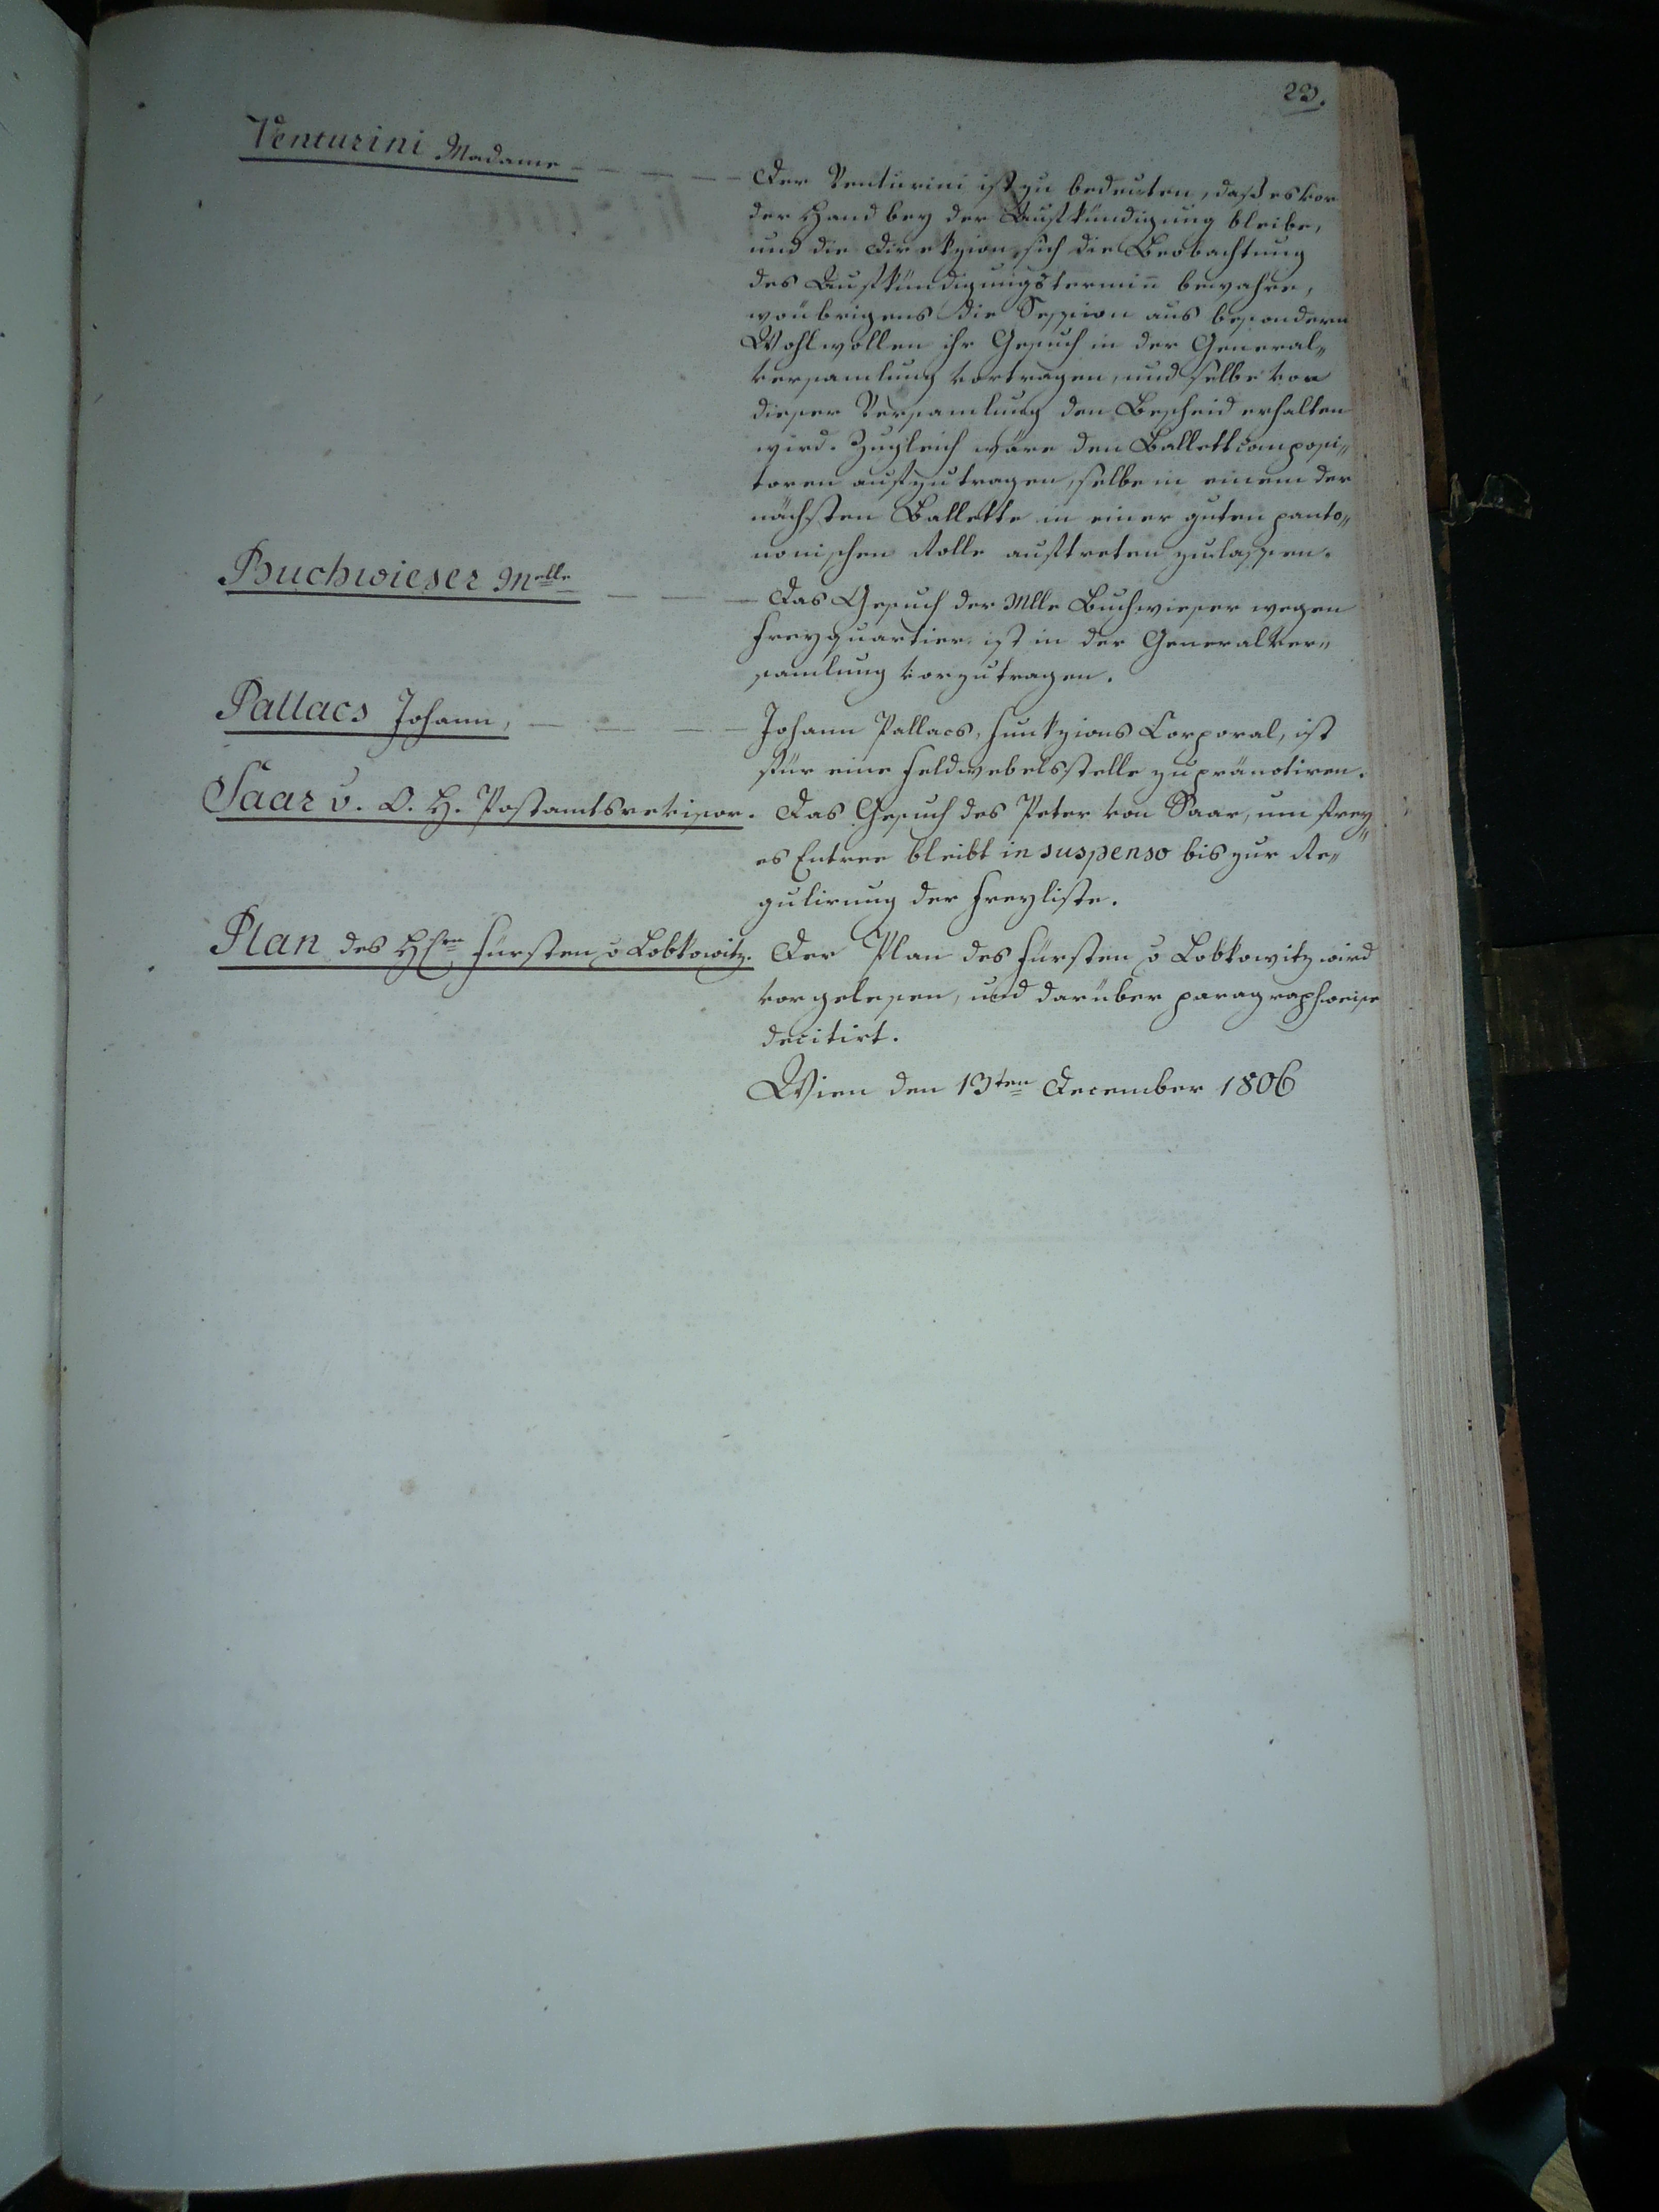23.
Venturini Madame _ _ _ _ _ Der Venturini ist zu bedeuten, daß es vor
der Hand bey der Aufkündigung bleibe,
und die Direkzion sich die Beobachtung
des Aufkündigungstermin bewahre,
wo übrigens die Session aus besonderm
Wohlwollen ihr Gesuch in der General¬
versamlung vortragen, und selbe von
dieser Versamlung den Bescheid erhalten
wird. Zugleich wäre den Ballettcomposi¬
toren aufzutragen, selbe in einem der
nächsten Ballette in einer guten panto¬
nonischen Rolle auftreten zulassen.
Buchwieser Mel͇le_ _ _ _ Das Gesuch der Mlle Buchwieser wegen
Freyquartier ist in der Generalver¬
samlung vorzutragen.
Pallacs Johann, _ _ _ _ Johann Pallacs, Funkzions Corporal, ist
für eine Feldwebelstelle zupränotiren.
Saar v. D. H. Postamtsrevisor . Das Gesuch des Peter von Saar, um frey¬
es Entree bleibt in suspenso bis zur Re¬
gulirung der Freyliste.
Plan des HErn͇ Fürsten v Lobkowitz. Der Plan des Fürsten v Lobkowitz wird
vorgelesen, und darüber paragraphweise
decitirt.
Wien den 13te͇n December 1806